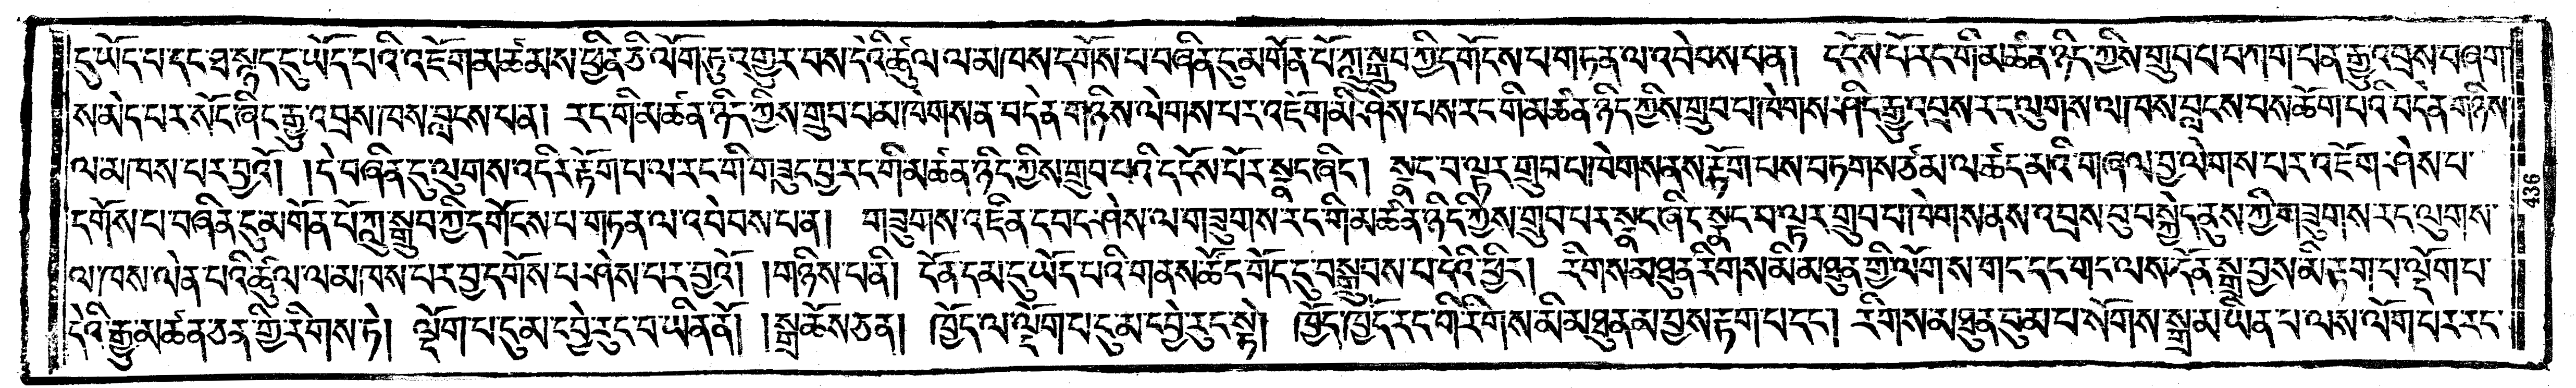དུ་ཡོད་པ་དང་ཐ་སྙད་དུ་ཡོད་པའི་འཇོག་མཚམས་ཕྱིན་ཅི་ལོག་ཏུ་འགྱུར་པས་དེའི་ཚུལ་ལ་མཁས་དགོས་པ་བཞིན་དུ་མགོན་པོ་ཀླུ་སྒྲུབ་ཀྱི་དགོངས་པ་གཏན་ལ་འབེབས་པ་ན། དངོས་པོ་རང་གི་མཚན་ཉིད་ཀྱིས་གྲུབ་པ་བཀག་པ་ན་རྒྱུ་འབྲས་བཞག་
ས་མེད་པར་སོང་ཞིང་རྒྱུ་འབྲས་ཁས་བླངས་པ་ན། རང་གི་མཚན་ཉིད་ཀྱིས་གྲུབ་པ་མ་ཁེགས་ན་བདེན་གཉིས་ལེགས་པར་འཇོག་མི་ཤེས་པས་རང་གི་མཚན་ཉིད་ཀྱིས་གྲུབ་པ་ཁེགས་ཤིང་རྒྱུ་འབྲས་རང་ལུགས་ལ་ཁས་བླངས་པས་ཆོག་པའི་བདེན་གཉིས་
ལ་མཁས་པར་བྱའོ། །དེ་བཞིན་དུ་ལུགས་འདིར་རྟོག་པ་ལ་རང་གི་གཟུང་བྱ་རང་གི་མཚན་ཉིད་ཀྱིས་གྲུབ་པའི་དངོས་པོར་སྣང་ཞིང་། སྣང་བ་ལྟར་གྲུབ་པ་ཁེགས་ནས་རྟོག་པས་བཏགས་ཙམ་ལ་ཚད་མའི་གཞལ་བྱ་ལེགས་པར་འཇོག་ཤེས་པ་
དགོས་པ་བཞིན་དུ་མགོན་པོ་ཀླུ་སྒྲུབ་ཀྱི་དགོངས་པ་གཏན་ལ་འབེབས་པ་ན། གཟུགས་འཛིན་དབང་ཤེས་ལ་གཟུགས་རང་གི་མཚན་ཉིད་ཀྱིས་གྲུབ་པར་སྣང་ཞིང་སྣང་བ་ལྟར་གྲུབ་པ་ཁེགས་ནས་འབྲས་བུ་བསྐྱེད་ནུས་ཀྱི་གཟུགས་རང་ལུགས་
ལ་ཁས་ལེན་པའི་ཚུལ་ལ་མཁས་པར་བྱ་དགོས་པ་ཤེས་པར་བྱའོ། །གཉིས་པ་ནི། དོན་དམ་དུ་ཡོད་པའི་གནས་ཚོད་གོང་དུ་བསྒྲུབས་པ་དེའི་ཕྱིར། རིགས་མཐུན་རིགས་མི་མཐུན་གྱི་ལོགས་གང་དང་གང་ལས་དོན་སྒྲ་བྱས་མི་རྟག་པ་ལྡོག་པ་
དེའི་རྒྱུ་མཚན་ཅན་གྱི་རིགས་ཏེ། ལྡོག་པ་དུ་མ་དབྱེ་རུང་བ་ཡིན་ནོ། །སྒྲ་ཆོས་ཅན། ཁྱོད་ལ་ལྡོག་པ་དུ་མ་དབྱེ་རུང་སྟེ། ཁྱོད་ཁྱོད་རང་གི་རིགས་མི་མཐུན་མ་བྱས་རྟག་པ་དང་། རིགས་མཐུན་བུམ་པ་སོགས་སྒྲ་མ་ཡིན་པ་ལས་ལོག་པར་རང་